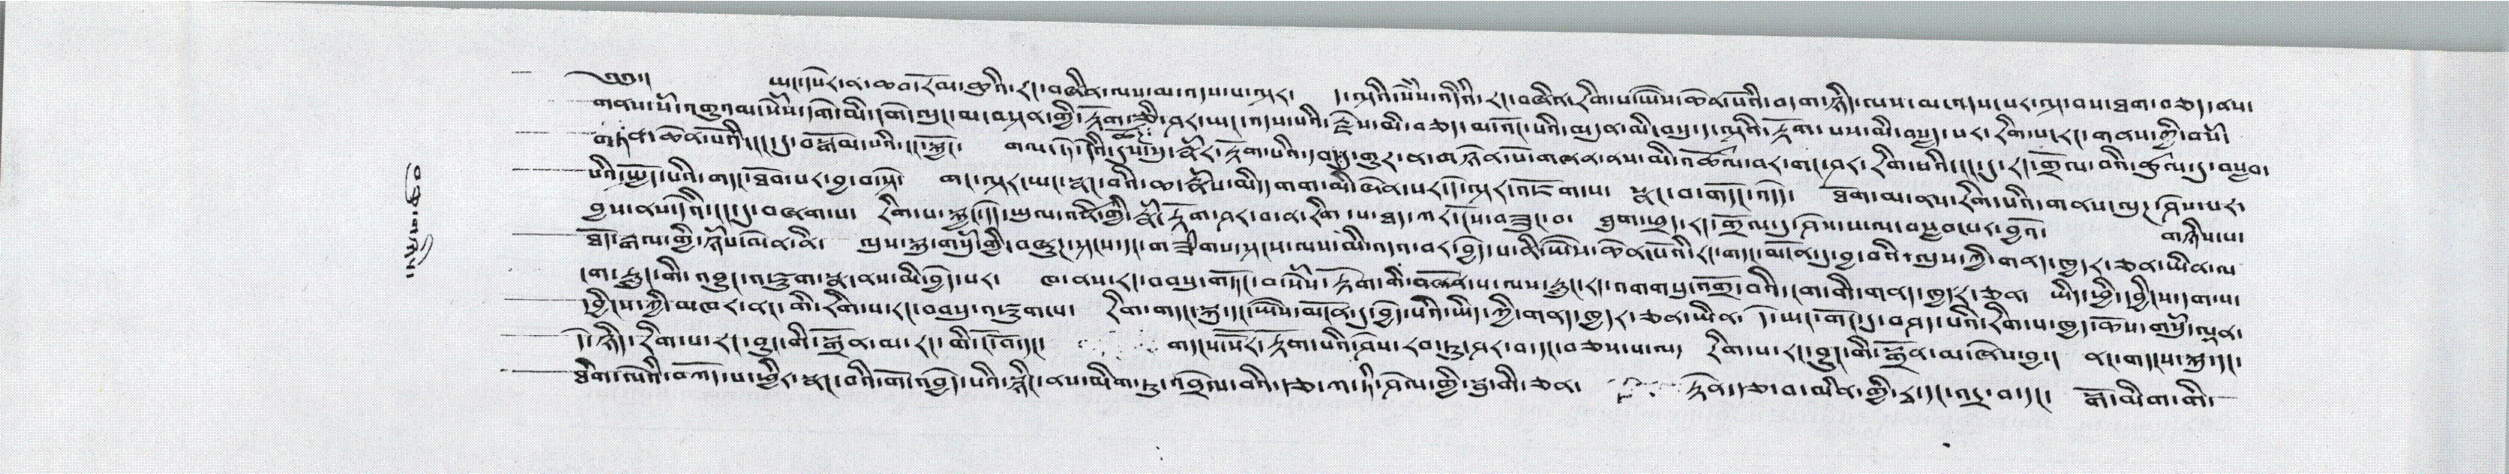ཡང་ཆབ་རོམ་ཆུ་ཡི་རང་བཞིན་ལས་མ་འདས་པ་ལྟར། ད་ལྟའི་སེམས་འདི་རང་བཞིན་རིག་པ་ཡེ་ཤེས་ཆེན་པོའི་བདག་ཉིད་ལས་མ་འདས་པར་ལྟ་བས་ཐག་བཅད་ནས་
གནས་སམ་འགྱུ་བའམ་སེམས་དགེ་མི་དགེ་ལུང་མ་བསྟན་གྱི་རྟོག་ཆོགས་ཅི་ཤར་ཡང་། འདས་པའི་རྗེས་མི་གཅད། མ་འོངས་པའི་མདུན་མི་བསུ། ད་ལྟའི་རྟོག་པས་མ་བསླད་པར་རིག་པ་རང་གནས་ཀྱི་བསམ་
གཏན་ཆེན་པོའི་ངང་དུ་སྒོམ་པའི་ངང་སྐྱོང་། གལ་ཏེ་དེའི་དུས་སུ་རྣམ་པར་རྟོག་པའི་དབང་དུ་གྱུར་ན། གཉེན་པོ་གཞན་ནས་མི་འཚོལ་བར་གང་ཤར་རིག་པའི་ངང་དུ་བསླབ་
པའི་སྤྱོད་པའི་གདེང་ཐོབ་པར་བྱ་བ་སྟེ། གང་ལྟར་ཡང་སྣང་བའི་ཆ་རྣམས་མི་དགག་མི་ཞེན་པར་སྣང་བའི་ཆ་རྣམས་དེ་ལྟར་འཇོག་པ། སྣང་བ་གདོང་འདེད། ཐོག་མ་ནས་རིག་པའི་གནས་ལུགས་ཤེས་པར་
བྱས་ནས་དེའི་ངང་དུ་བཞག་པ། རིག་པ་རྐྱང་འདེད་ཡུལ་འཛིན་གྱི་རྣམ་རྟོག་ཤར་བ་ན་རིག་པ་ཐད་ཀར་ངོས་བཟུང་བ། ཐུག་ཕྲད་རང་གྲོལ་དུ་ཤེས་པ་ལ་བསླབ་པར་བྱའོ། གཉིས་པ་
ཐོད་རྒལ་གྱི་ཉམས་ལེན་ནི། ལུས་སྐུ་གསུམ་གྱི་བཞུགས་སྟངས་དང་གཟིགས་སྟངས་ལས་མི་འདའ་བར་བྱེད་པ་ནི་ཡེ་ཤེས་ཆེན་པོའི་རང་གདང་མངོན་དུ་བྱ་བའི་ལུས་ཀྱི་གནད་ཁྱད་པར་ཅན་ཡིན་ལ། 
ངག་རླུང་གི་འབྱུང་འཇུག་སྣ་ནས་མི་བྱེད་པར་ཁ་ནས་རང་བབས་སུ་གཏོང་བ་སེམས་རྟོག་གི་བཞོན་པ་ལས་རླུང་རང་འགགས་སུ་འགྲོ་བའི་ངག་གི་གནད་ཁྱད་པར་ཅན། ཡིད་ཕྱི་དབྱིངས་དག་པ་
དབྱིངས་ཀྱི་མཁར་ནང་གི་རིག་པ་རང་བབས་སུ་འཇུག་པ། རིག་གདང་སྐུ་དང་ཡེ་ཤེས་མངོན་དུ་བྱེད་པའི་ཡིད་ཀྱི་གནད་ཁྱད་པར་ཅན་ཡིན། དེ་ཡང་གོང་དུ་བཤད་པའི་རིག་པ་ཁྱད་ཆོས་གསུམ་ལྡན་
དེ་ཉིད་རིག་པ་རང་བྱུང་གི་སྒྲོན་མ་རང་གི་ངོ་བོ་དང་། གདངས་སོ་སོར་རྟོག་པའི་ཤེས་རབ་ཏུ་ཤར་བ་དང་བཅས་པ་ལ། རིག་པ་རང་བྱུང་གི་སྒྲོན་མ་ཞེས་བྱ། ནང་གདངས་སྐུ་དང་
ཐིག་ལེའི་བཀོད་པ་ཕྱིར་སྣང་བའི་གོ་འབྱེད་པའི་སྙིང་ནས་མིག་ཏུ་འབྲེལ་བའི་རྩ་ཀ་ཏི་ཤེལ་གྱི་སྦུ་གུ་ཅན་རྟེན་རྩ་བ་མེན་གྱི་རྭ་དང་འདྲ་བ། སྒོ་མིག་གི་